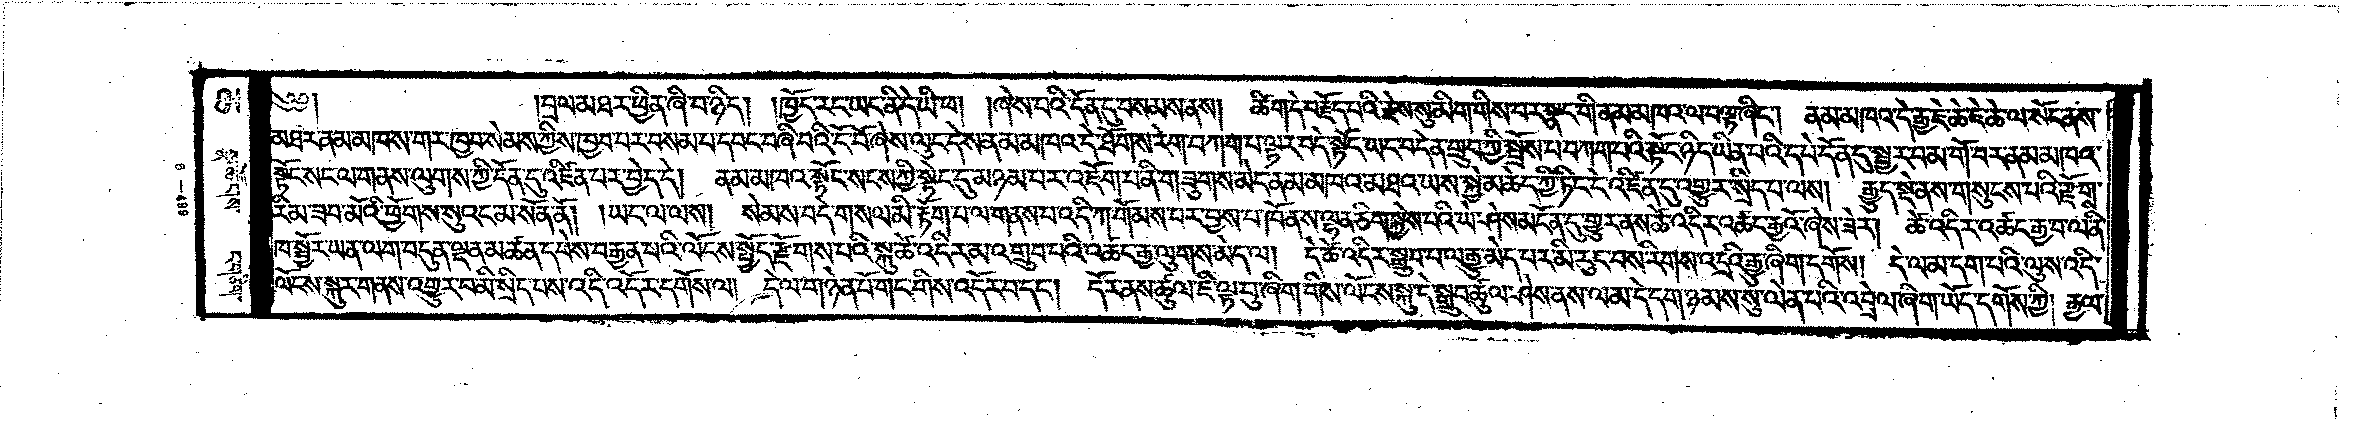༄༅། །བྲལ་མཐར་ཕྱིན་ཞི་བ་ཉིད། །ཁྱོད་རང་ཡང་ནི་དེ་ཡི་ཕ། །ཞེས་པའི་དོན་དུ་བསམས་ནས། ཚིག་དེ་བརྗོད་པའི་རྗེས་སུ་མིག་གིས་བར་སྣང་གི་ནམ་མཁའ་ལ་བལྟ་ཞིང་། ནམ་མཁའ་དེ་རྒྱ་ཇེ་ཆེ་ཇེ་ཆེ་ལ་སོང་ནས་
མཐར་ནམ་མཁས་གར་ཁྱབ་སེམས་ཀྱིས་ཁྱབ་པར་བསམ་པ་དབང་བཞི་པའི་ངོ་བོ་ཞེས་ལུང་དེས་ནམ་མཁའ་དེ་ཐོགས་རེག་བཀག་པ་ལྟར་བདེ་སྟོང་ཡང་བདེན་གྲུབ་ཀྱི་སྤྲོས་པ་བཀག་པའི་སྟོང་ཉིད་ཡིན་པའི་དཔེ་དོན་དུ་སྦྱར་བ་མ་གོ་བར་ནམ་མཁའ་
སྟོང་སང་ལ་གནས་ལུགས་ཀྱི་དོན་དུ་འཛིན་པར་བྱེད་དེ། ནམ་མཁའ་སྟོང་སངས་ཀྱི་སྟེང་དུ་མཉམ་བར་འཇོག་པ་ནི་གཟུགས་མེད་ནམ་མཁའ་མཐའ་ཡས་སྐྱེ་མཆེད་ཀྱི་ཏིང་ངེ་འཛིན་དུ་འགྱུར་སྲིད་པ་ལས། རྒྱུད་སྡེ་ནས་གསུངས་པའི་རྫོགས་
རིམ་ཟབ་མོའི་ཕྱོགས་སུའང་མ་སོན་ནོ། །ཡང་ལ་ལས། སེམས་བདེ་གསལ་མི་རྟོག་པ་ལ་གནས་པ་འདི་ཀ་གོམས་པར་བྱས་པ་ཁོ་ནས་ལྷན་ཅིག་སྐྱེས་པའི་ཡེ་ཤེས་མངོན་དུ་གྱུར་ནས་ཚེ་འདིར་འཚང་རྒྱའོ་ཞེས་ཟེར། ཚེ་འདིར་འཚང་རྒྱ་བ་ལ་ནི་
ཁ་སྦྱོར་ཡན་ལག་བདུན་ལྡན་མཚན་དྥེས་བརྒྱན་པའི་ལོངས་སྤྱོད་རྫོགས་པའི་སྐུ་ཚེ་འདིར་མ་འགྲུབ་པའི་འཚང་རྒྱ་ལུགས་མེད་ལ། དེ་ཚེ་འདིར་སྒྲུབ་བ་ལ་རྒྱུ་མེད་པར་མི་རུང་བས་རིགས་འདྲའི་རྒྱུ་ཞིག་དགོས། དེ་ལམ་དག་པའི་ལུས་འདི་
ལོངས་སྐུར་གནས་འགྱུར་བ་མི་སྲིད་པས་འདི་འདོར་དགོས་ལ། དེ་ལ་གཉེན་པོ་གང་གིས་འདོར་བ་དང་། དོར་ནས་ཚུལ་ཇི་ལྟ་བུ་ཞིག་གིས་ལོངས་སྐུ་དེ་སྒྲུབ་ཚུལ་ཤེས་ནས་ལམ་དེ་དག་ཉམས་སུ་ལེན་པའི་འབྲེལ་ཞིག་ཡོད་དགོས་ཀྱི། རྒྱལ་